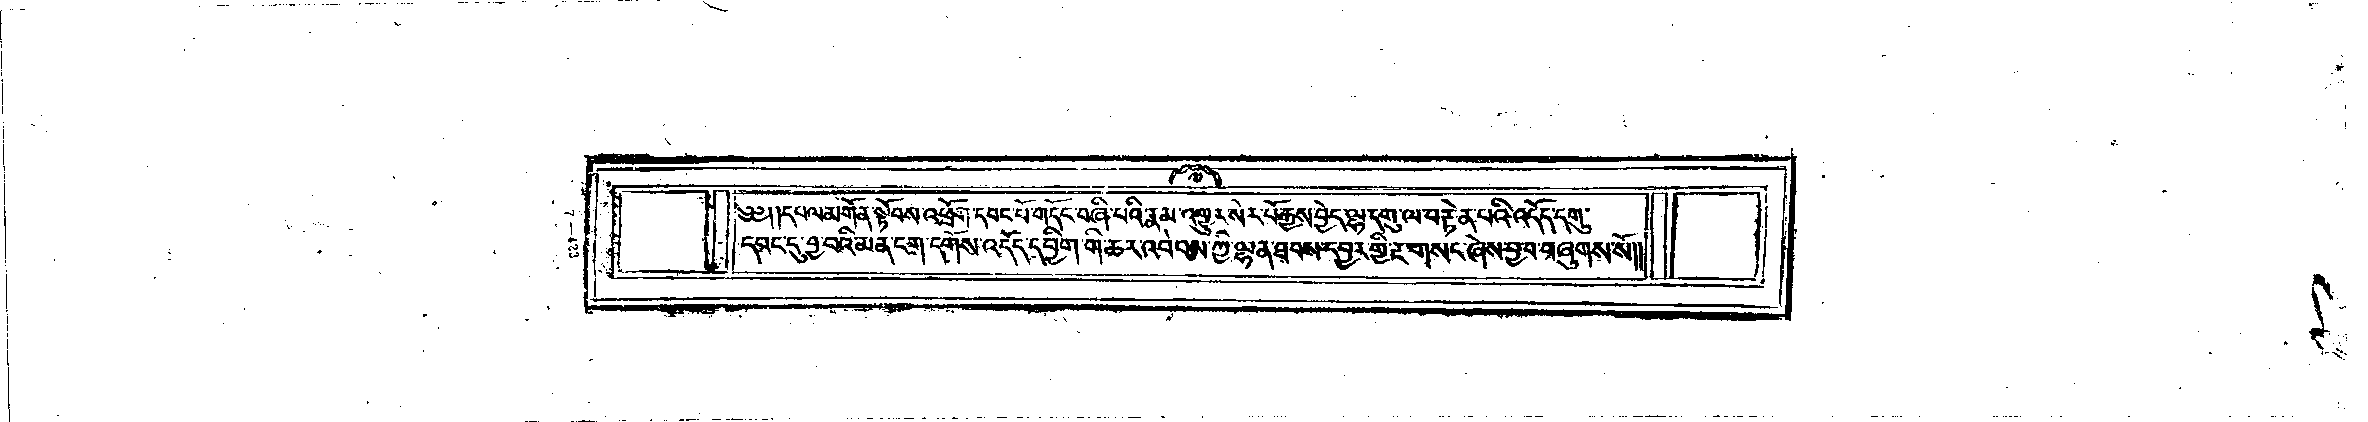༄༅། །དཔལ་མགོན་སྟོབས་འཕྲོག་དབང་པོ་གདོང་བཞི་པའི་རྣམ་འགྱུར་སེར་པོ་རྒྱས་བྱེད་ལྷ་དགུ་ལ་བརྟེན་པའི་འདོད་དགུ་
དབང་དུ་བྱ་བའི་མན་ངག་དགོས་འདོད་དབྱིག་གི་ཆར་འབེབས་ཀྱི་ལྷན་ཐབས་དབྱར་གྱི་རྔ་གསང་ཞེས་བྱ་བ་བཞུགས་སོ།།